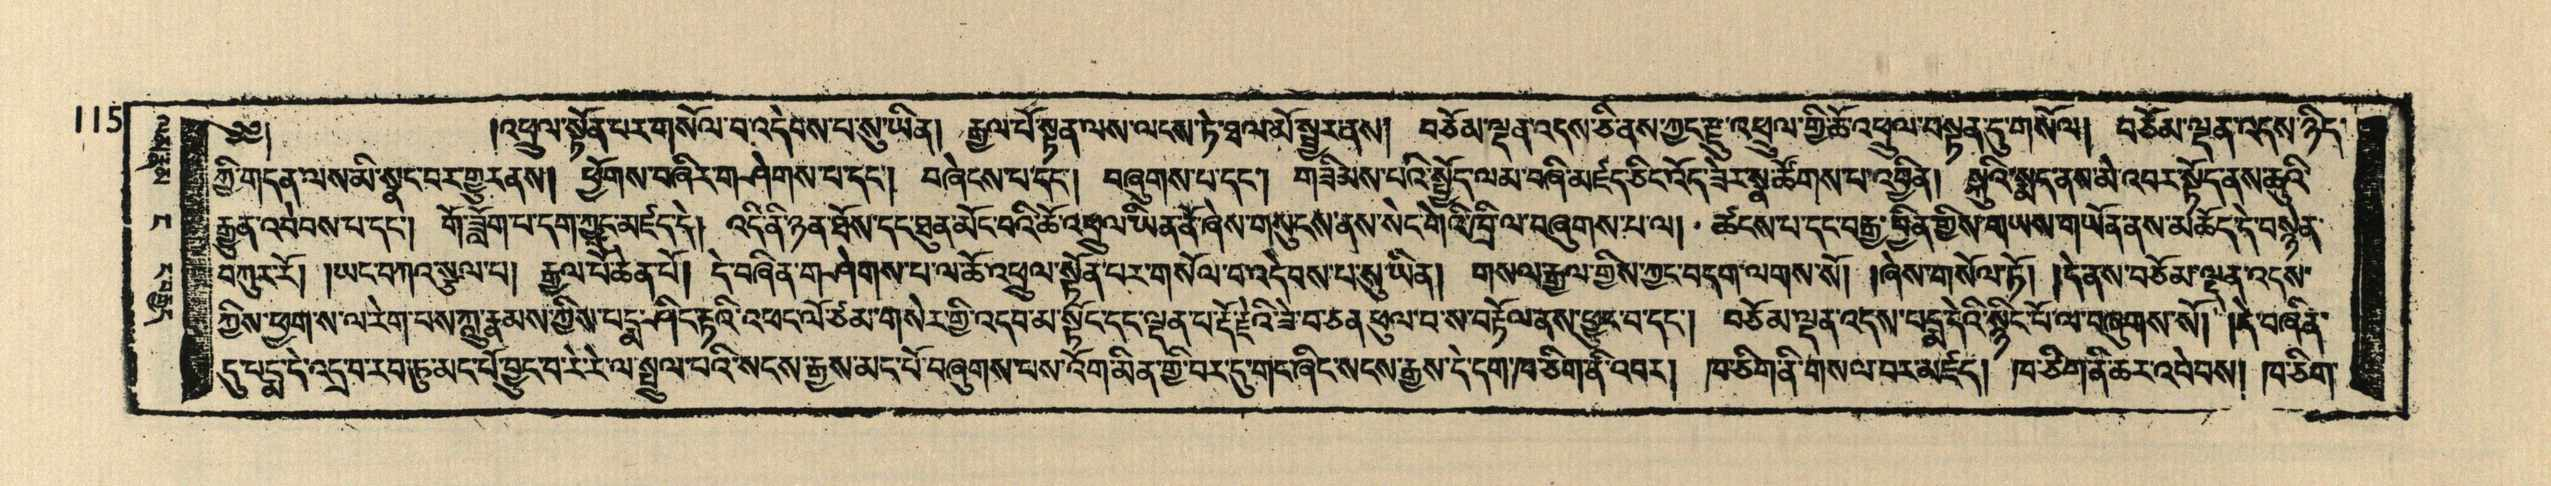༄༅། །འཕྲུལ་སྟོན་པར་གསོལ་བ་འདེབས་པ་སུ་ཡིན། རྒྱལ་པོ་སྟན་ལས་ལངས་ཏེ་ཐལ་མོ་སྦྱར་ནས། བཅོམ་ལྡན་འདས་ཅི་ནས་ཀྱང་རྫུ་འཕྲུལ་གྱི་ཆོ་འཕྲུལ་བསྟན་དུ་གསོལ། བཅོམ་ལྡན་འདས་ཉིད་
ཀྱི་གདན་ལས་མི་སྣང་བར་གྱུར་ནས། ཕྱོགས་བཞིར་གཤེགས་པ་དང་། བཞེངས་པ་དང་། བཞུགས་པ་དང་། གཟིམས་པའི་སྤྱོད་ལམ་བཞི་མཛད་ཅིང་འོད་ཟེར་སྣ་ཚོགས་པ་འབྱིན། སྐུའི་སྨད་ནས་མེ་འབར་སྟོད་ནས་ཆུའི་
རྒྱུན་འབེབས་པ་དང་། གོ་ཟློག་པ་དག་ཀྱང་མཛད་དེ། འདི་ནི་ཉན་ཐོས་དང་ཐུན་མོང་བའི་ཆོ་འཕྲུལ་ཡིན་ནོ་ཞེས་གསུངས་ནས་སེང་གེའི་ཁྲི་ལ་བཞུགས་པ་ལ། ཚངས་པ་དང་བརྒྱ་བྱིན་གྱིས་གཡས་གཡོན་ནས་མཆོད་དེ་བསྙེན་
བཀུར་རོ། །ཡང་བཀའ་སྩལ་པ། རྒྱལ་པོ་ཆེན་པོ། དེ་བཞིན་གཤེགས་པ་ལ་ཆོ་འཕྲུལ་སྟོན་པར་གསོལ་བ་འདེབས་པ་སུ་ཡིན། གསལ་རྒྱལ་གྱིས་ཀྱང་བདག་ལགས་སོ། །ཞེས་གསོལ་ཏོ། །དེ་ནས་བཅོམ་ལྡན་འདས་
ཀྱིས་ཕྱག་ས་ལ་རེག་པས་ཀླུ་རྣམས་ཀྱིས་པདམ་ཤིང་རྟའི་འཕང་ལོ་ཙམ་གསེར་གྱི་འདབ་མ་སྟོང་དང་ལྡན་པ་རྡོ་རྗེའི་ཟེ་བ་ཅན་ཕུལ་བ་ས་བརྟོལ་ནས་ཕྱུང་བ་དང་། བཅོམ་ལྡན་འདས་པདམ་དེའི་སྙིང་པོ་ལ་བཞུགས་སོ། །དེ་བཞིན་
དུ་པདམ་དེ་འདྲ་བ་རབ་ཏུ་མང་པོ་བྱུང་བ་རེ་རེ་ལ་སྤྲུལ་པའི་སངས་རྒྱས་མང་པོ་བཞུགས་པས་འོག་མིན་གྱི་བར་དུ་གང་ཞིང་སངས་རྒྱས་དེ་དག་ཁ་ཅིག་ནི་འབར། ཁ་ཅིག་ནི་གསལ་བར་མཛད། ཁ་ཅིག་ནི་ཆར་འབེབས། ཁ་ཅིག་